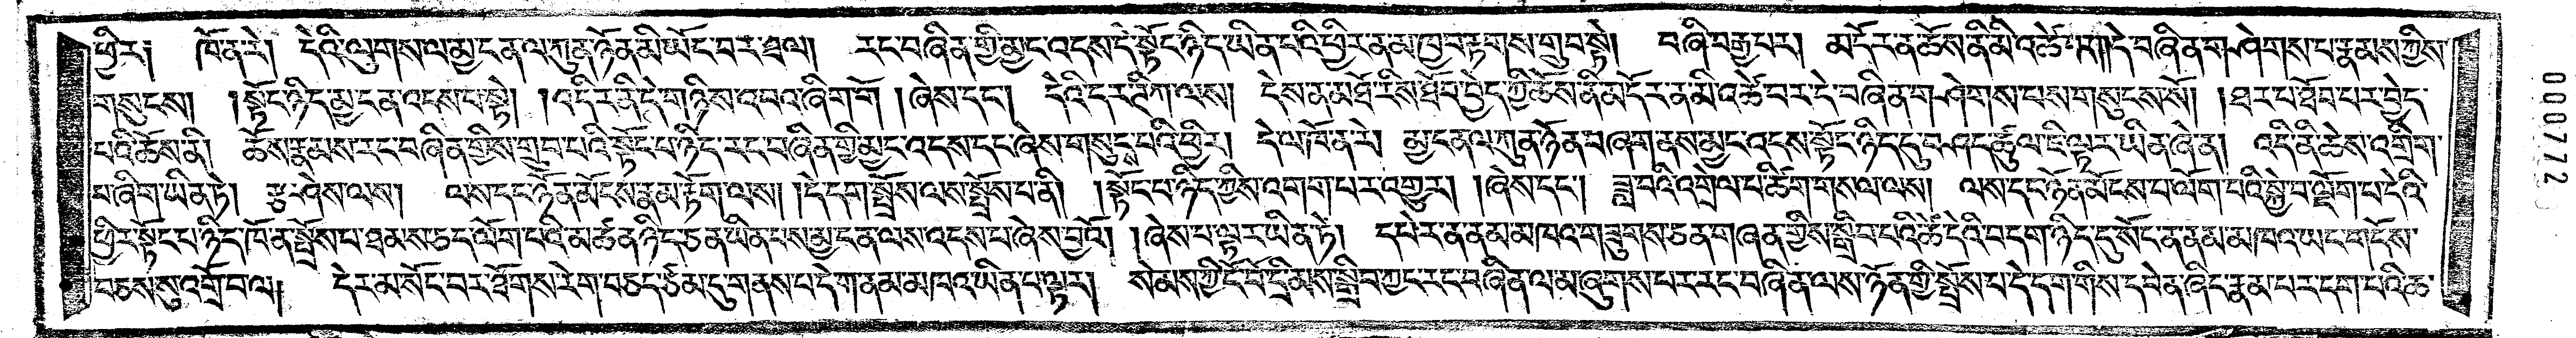ཕྱིར༑ ཁོ་ན་རེ། དེའི་ལུགས་ལ་མྱ་ངན་ལ་ཀུན་ཉོན་མི་ཡོང་བར་ཐལ། རང་བཞིན་གྱི་མྱང་འདས་དེ་སྟོང་ཉིད་ཡིན་པའི་ཕྱིར་ན་མ་ཁྱབ་རྟགས་གྲུབ་སྟེ། བཞི་བརྒྱ་པར། མདོར་ན་ཆོས་ནི་མི་འཚེ་བར། །དེ་བཞིན་གཤེགས་པ་རྣམས་ཀྱིས་
གསུངས། །སྟོང་ཉིད་མྱ་ངན་འདས་པ་སྟེ། །འདིར་ནི་དེ་གཉིས་འབའ་ཞིག་གོ །ཞེས་དང་། དེའི་དར་ཊིཀ་ལས། དེས་ན་མཐོ་རིས་ཐོབ་བྱེད་ཀྱི་ཆོས་ནི་མདོར་ན་མི་འཚེ་བར་དེ་བཞིན་གཤེགས་པས་གསུངས་སོ། །ཐར་པ་ཐོབ་པར་བྱེད་
པའི་ཆོས་ནི། ཆོས་རྣམས་རང་བཞིན་གྱིས་གྲུབ་པའི་སྟོང་པ་ཉིད་རང་བཞིན་གྱི་མྱང་འདས་དང་ཞེས་གསུངས་པའི་ཕྱིར། དེ་ལ་ཁོ་ན་རེ། མྱ་ངན་ལ་ཀུན་ཉོན་བཞག་ནས་མྱང་འདས་སྟོང་ཉིད་དུ་བཤད་ཚུལ་ཇི་ལྟར་ཡིན་ཞེ་ན། འདི་ནི་ཆེས་འགྲིག་
པ་ཞིག་ཡིན་ཏེ། རྩ་ཤེས་ལས། ལས་དང་ཉོན་མོངས་རྣམ་རྟོག་ལས། །དེ་དག་སྤྲོས་ལས་སྤྲོས་པ་ནི། །སྟོང་པ་ཉིད་ཀྱིས་འགག་པར་འགྱུར། །ཞེས་དང་། ཟླ་བའི་འགྲེལ་པ་ཚིག་གསལ་ལས། ལས་དང་ཉོན་མོངས་པ་ལོག་པའི་སྐྱེ་བ་ལྡོག་པ་དེའི་
ཕྱིར་སྟོང་པ་ཉིད་ཁོ་ན་སྤྲོས་པ་ཐམས་ཅད་ལོག་པའི་མཚན་ཉིད་ཅན་ཡིན་པས་མྱ་ངན་ལས་འདས་པ་ཞེས་བྱའོ། །ཞེས་པ་ལྟར་ཡིན་ཏེ། དཔེར་ན་ནམ་མཁའ་གཟུགས་ཅན་གཞན་གྱིས་སྒྲིབ་པའི་ཚེ་དེའི་བདག་ཉིད་དུ་སོང་ན་ནམ་མཁའ་ཡང་གདོས་
བཅས་སུ་འགྲོ་བ་ལ། དེར་མ་སོང་བར་ཐོགས་རེག་བཅད་ཙམ་དུ་གནས་པ་དེ་ག་ནམ་མཁའ་ཡིན་པ་ལྟར། སེམས་ཀྱི་ངོ་བོ་དྲི་མས་སྒྲིབ་ཀྱང་རང་བཞིན་ལ་མ་ཞུགས་པར་རང་བཞིན་ལས་ཉོན་གྱི་སྤྲོས་པ་དེ་དག་གིས་དབེན་ཞིང་རྣམ་པར་དག་པའི་ཆ་